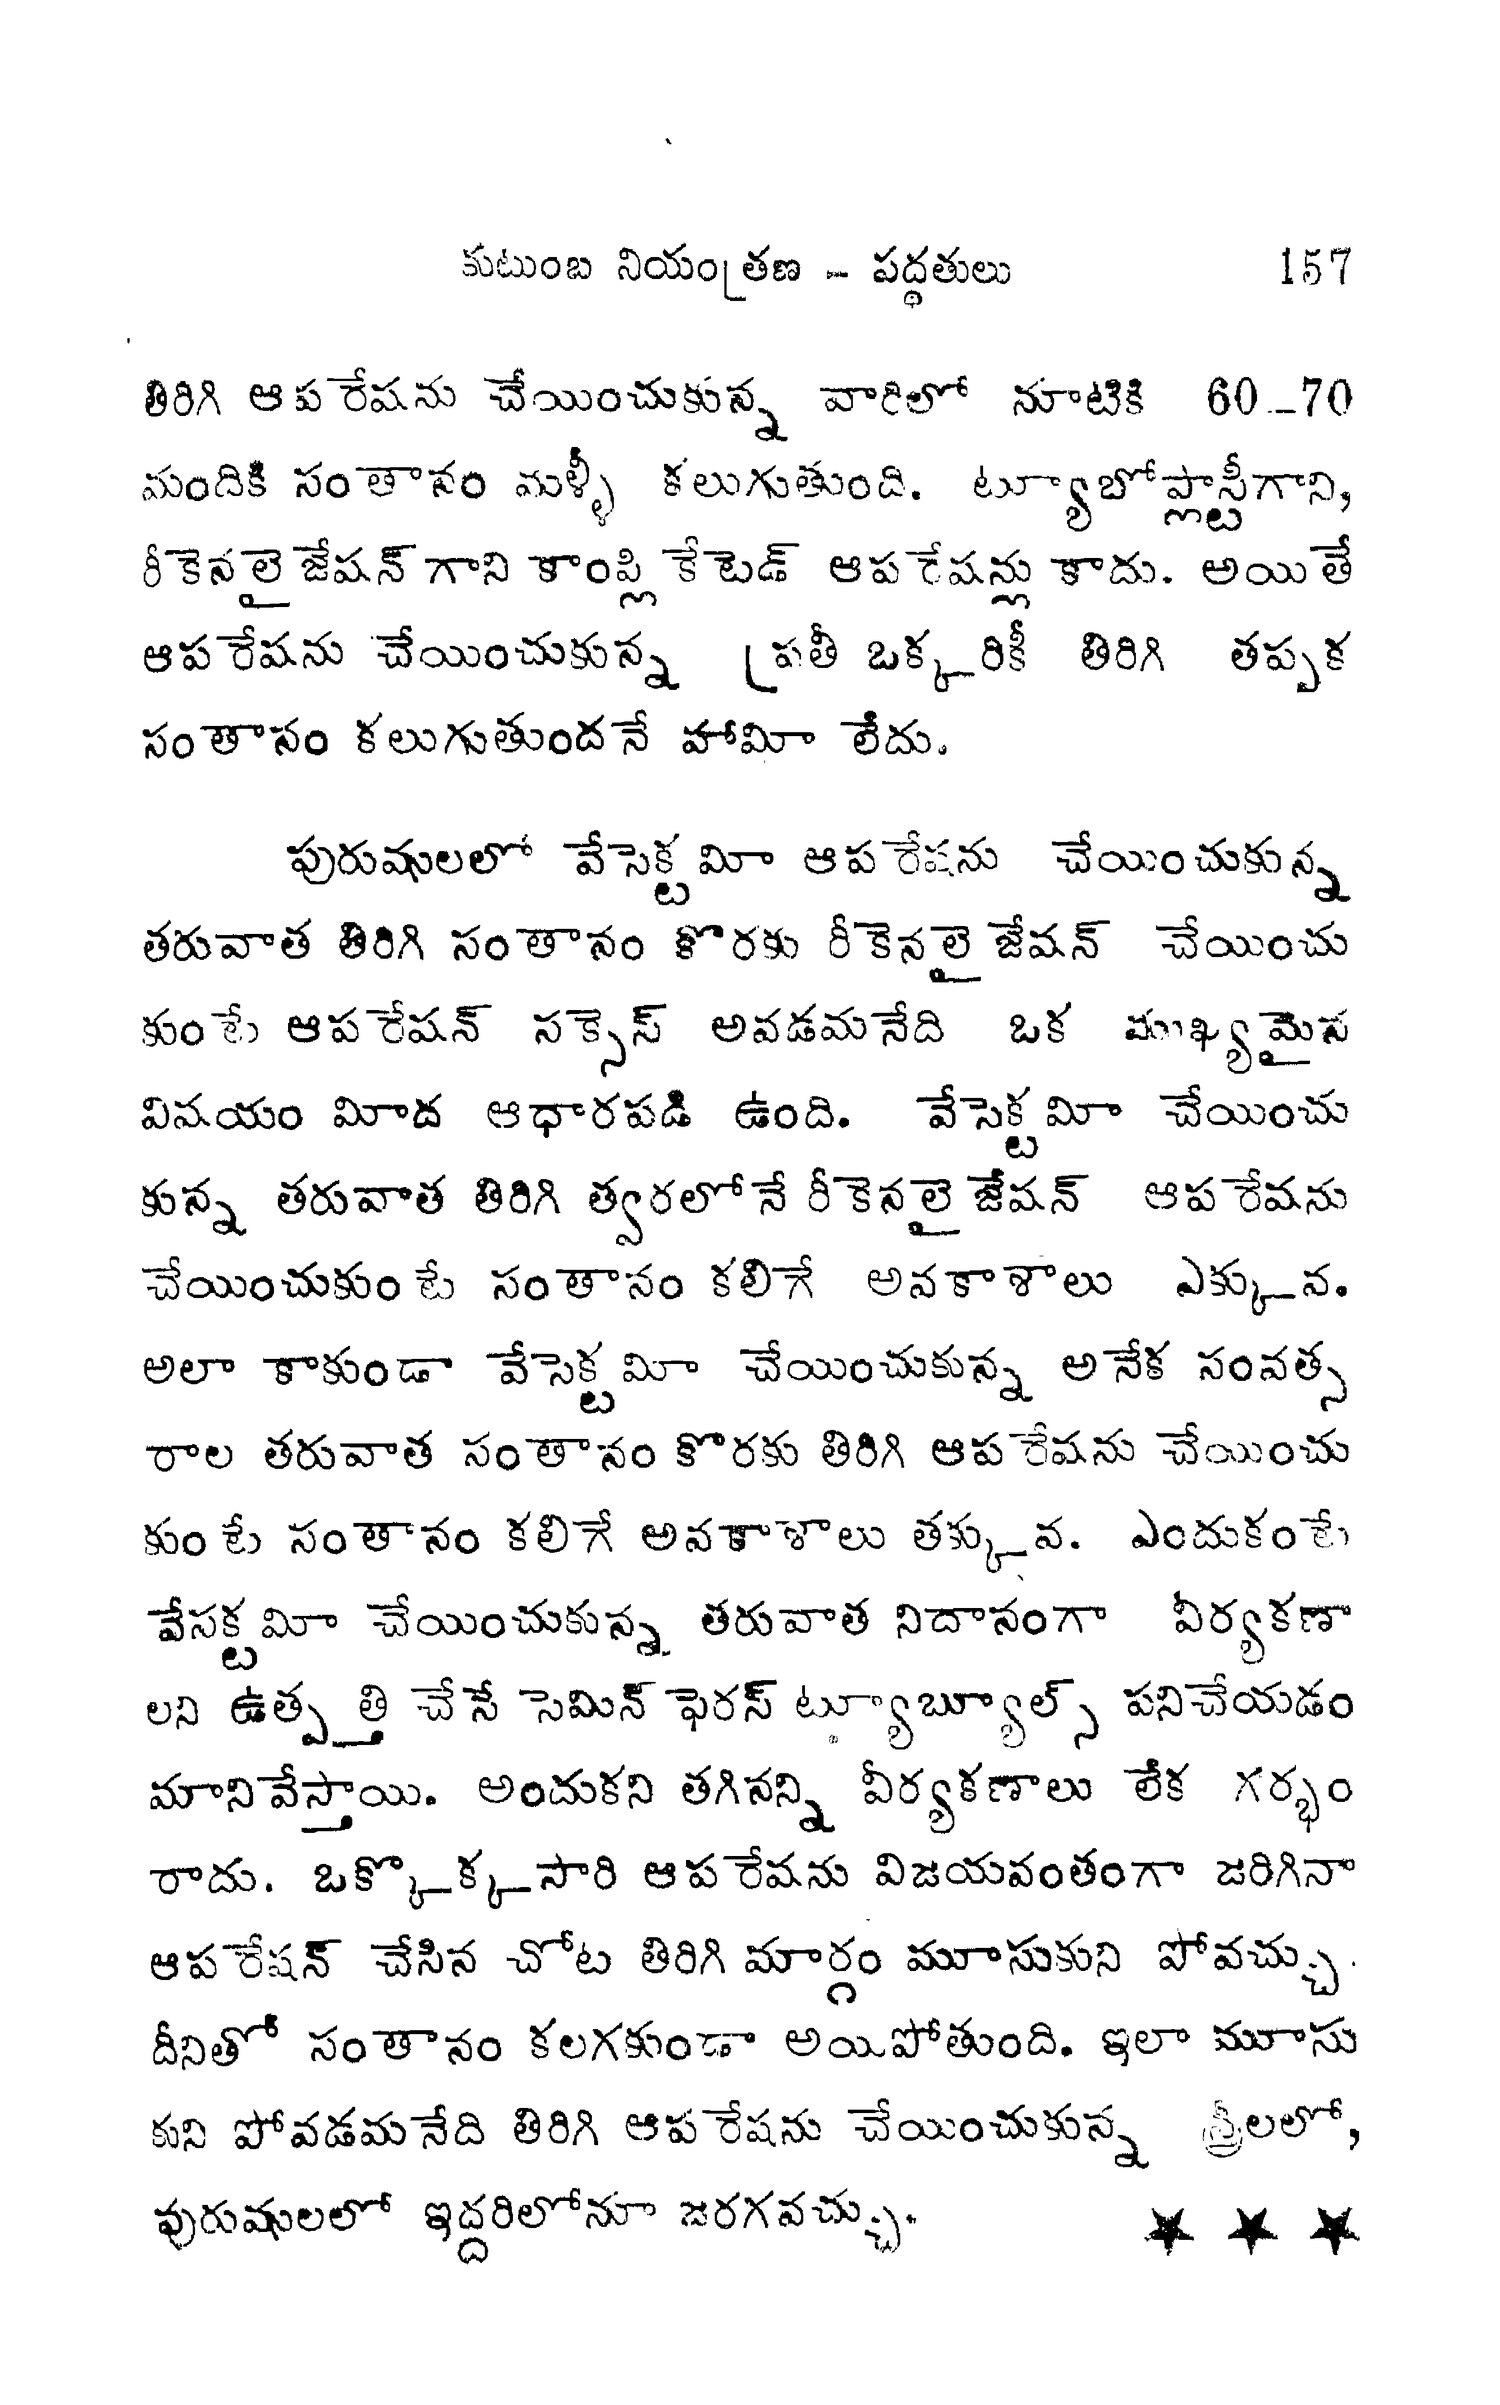తిరిగి ఆపరేషను చేయించుకున్న వారిలో నూటికి 60-70 మందికి సంతానం మళ్ళీ కలుగుతుంది. ట్యూబోప్లాస్టీగాని, రీకెనలైజేషన్ గాని కాంప్లికేటెడ్ ఆపరేషన్లు కాదు. అయితే ఆపరేషను చేయించుకున్న ప్రతీ ఒక్కరికీ తిరిగి తప్పక సంతానం కలుగుతుందనే హామీ లేదు.

పురుషులలో వేసెక్టమీ ఆపరేషను చేయించుకున్న తరువాత తిరిగి సంతానం కొరకు రీకెనలైజేషన్ చేయించు కుంటే ఆపరేషన్ సక్సెస్ అవడమనేది ఒక ముఖ్యమైన విషయం మీద ఆధారపడి ఉంది. వేసక్టమీ చేయించుకున్న తరువాత తిరిగి త్వరలోనే రీకెనలైజేషన్ ఆపరేషను చేయించుకుంటే సంతానం కలిగే అవకాశాలు ఎక్కువ. అలా కాకుండా వేసెక్టమీ చేయించుకున్న అనేక సంవత్సరాల తరవార సంతానం కొరకు తిరిగి ఆపరేషను చేయించు కుంటే సంతానం కలిగే అవకాశాలు తక్కువ. ఎందుకంటే వేసక్టమీ చేయించుకున్న తరువాత నిదానంగా వీర్యకణాలని ఉత్పత్తి చేసే సెమిన్ ఫెరస్ ట్యూబ్యూల్స్ పనిచేయడం మానివేస్తాయి. అందుకని తగినన్ని వీర్యకణాలు లేక గర్భం రాదు. ఒక్కొక్కసారి ఆపరేషను విజయవంతంగా జరిగినా ఆపరేషన్ చేసిన చోట తిరిగి మార్గం మూసుకుని పోవచ్చు దీనితో సంతానం కలుగకుండా అయిపోతుంది. ఇలా మూసుకుని పోవడము మనేది తిరిగి ఆపరేషను చేయించుకున్న స్త్రీలలో ఫురుషులలో ఇద్దరిలోనూ జరగవచ్చు.

* * *